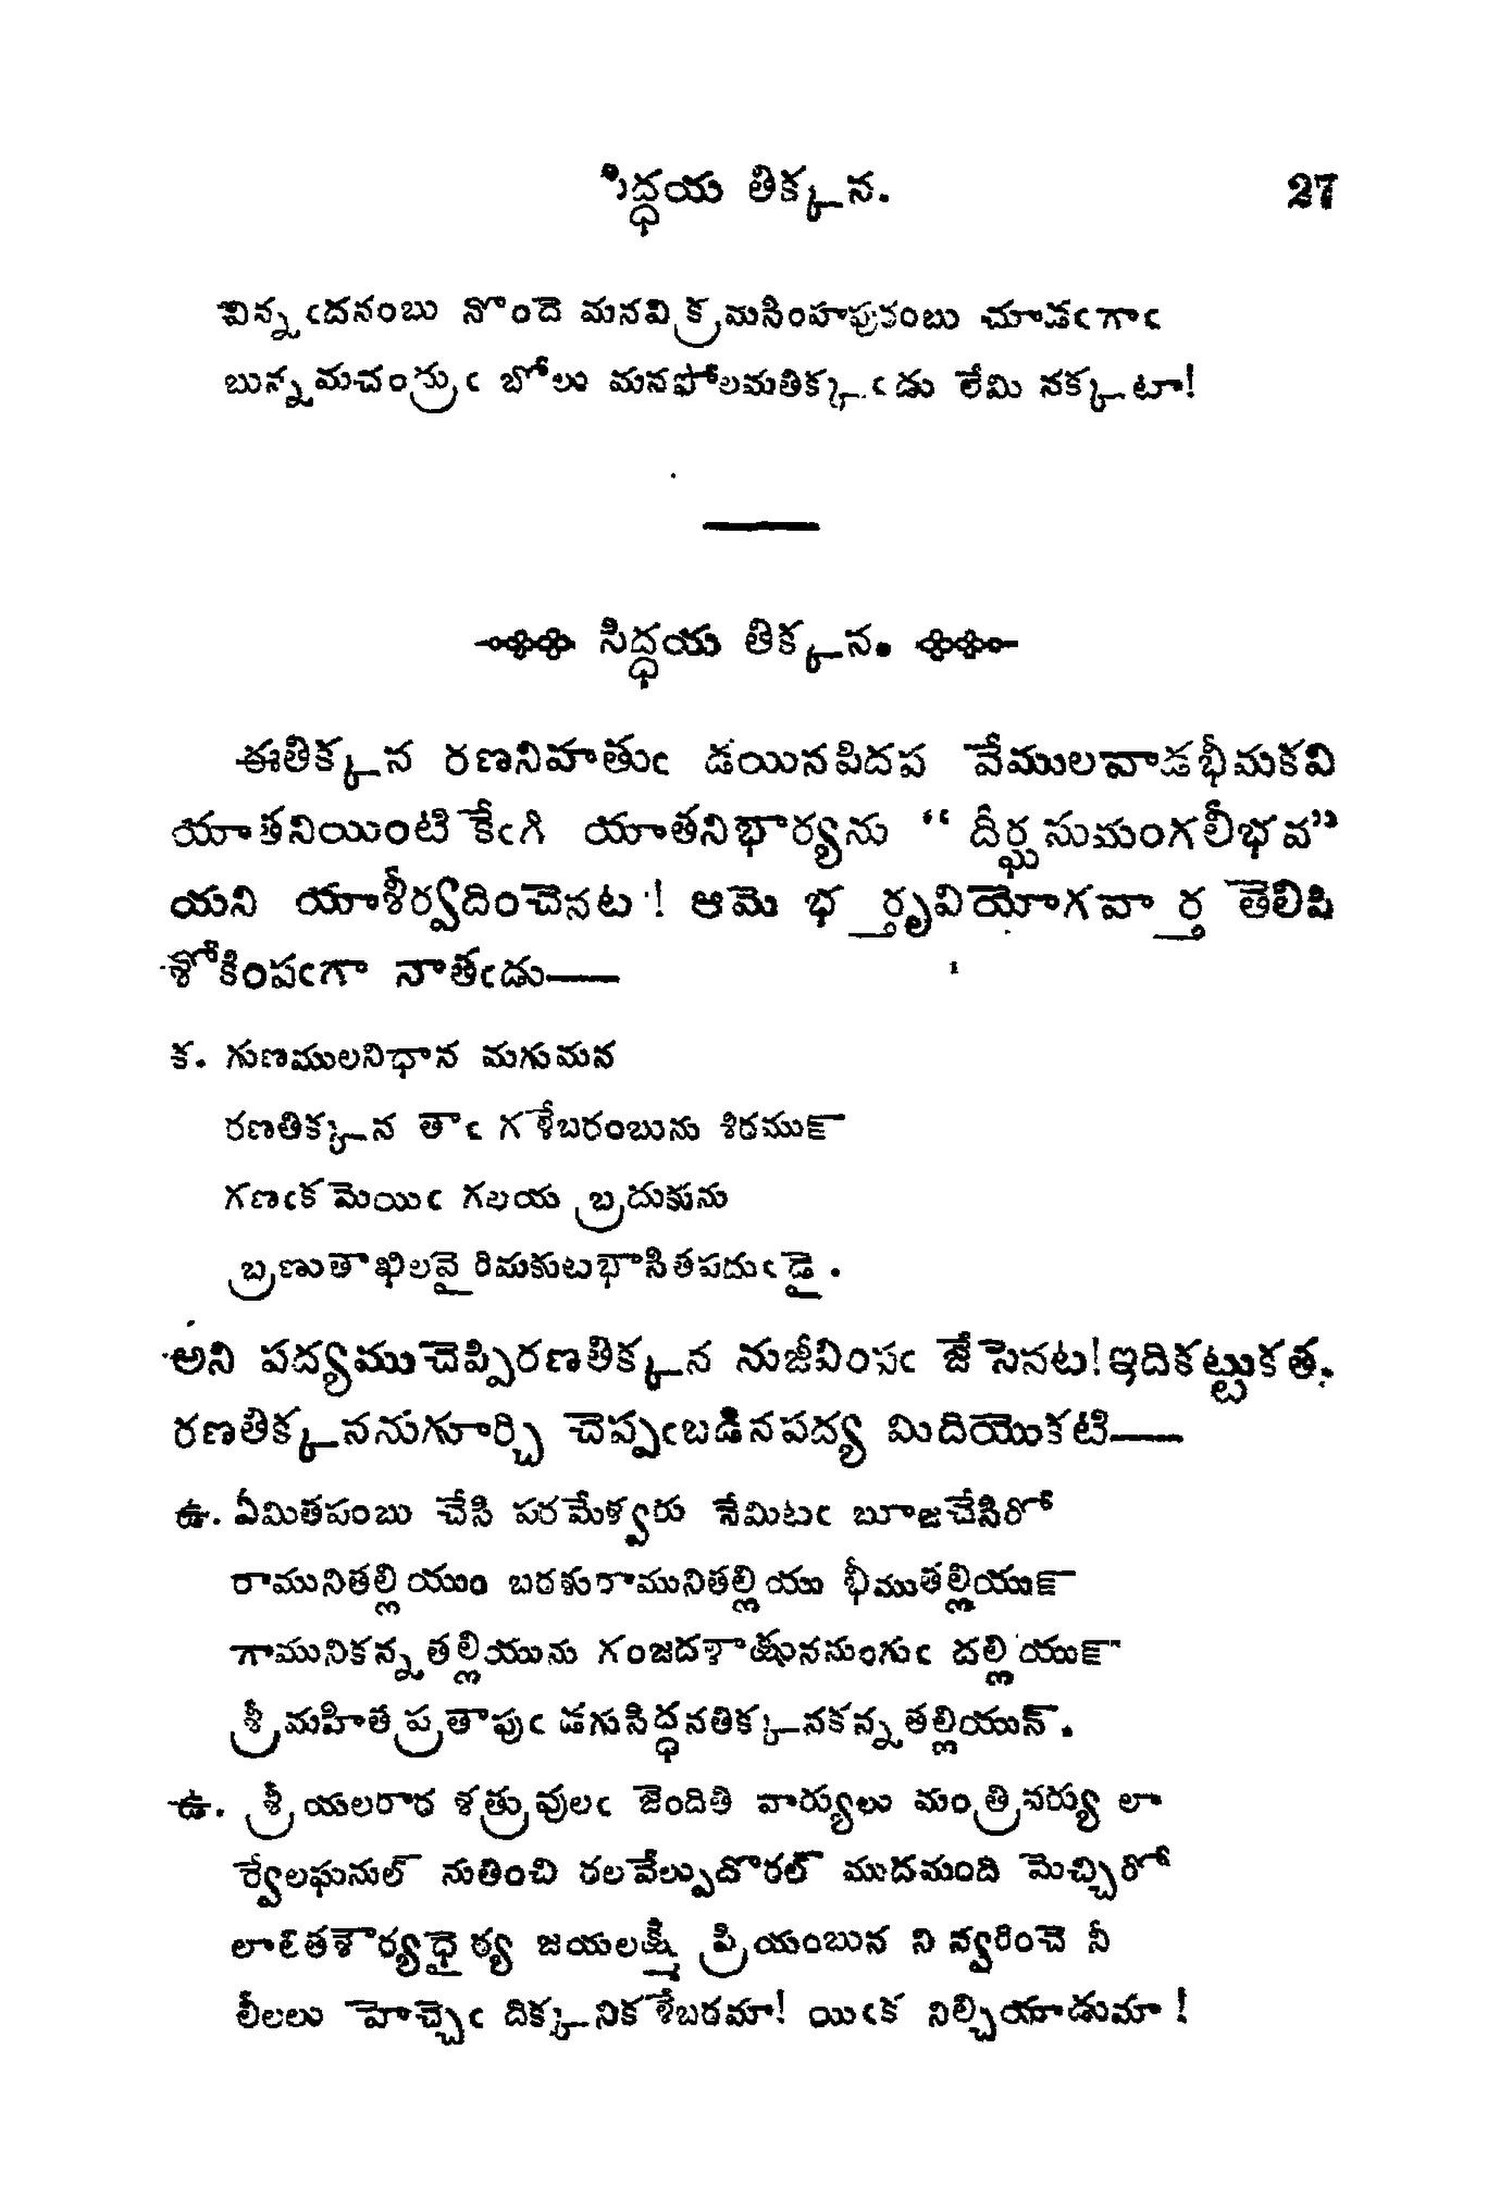పెన్నఁదనంబు నొందె మనవిక్రమసింహపురంబు చూడఁగాఁ
 బున్నమచంద్రుఁ బోలు మనపోలమతిక్కఁడు లేమి నక్కటా!

ఈ తిక్కన రణనిహతుఁ డయినపిదప వేములవాడ భీమకవి యాతని యింటికేఁగి యాతని భార్యను ‘దీర్ఘసుమంగలీభవ’ యని యాశీర్వదించెనఁట! ఆమె భర్తృవియోగవార్త తెలిపి శోకింపఁగా నాతఁడు—
క. గుణముల నిధాన మగు మన
 రణతిక్కన తాఁ గళేబరంబును శిరమున్
 గణఁకమెయిఁ గలయ బ్రదుకును
 బ్రణుతాఖిలవైరమకుటబాసితపదుఁఢై.
అని పద్యము చెప్పి రణతిక్కన నుజ్జీవింపఁజేసెనఁట! ఇది కట్టుకత. రణతిక్కనను గూర్చి చెప్పఁబడినపద్య మిదియొకటి—
ఉ. ఏమితపంబు చేసి పరమేశ్వరు నేమిటఁ బూజ చేసిరో
 రాముని తల్లియు బరశురాముని తల్లియు భీము తల్లియున్
 గాముని కన్నతల్లియును గంజదళాక్షుననుంగుఁదల్లియున్
 శ్రీమహితప్రతాపుఁజగు సిద్దన తిక్కన కన్నతల్లియున్.
ఉ. శ్రీయలరార శత్రువులఁ జెందితి వార్యులు మంత్రివర్యు లా
 ర్వేలఘనుల్ నుతించి రలవేల్పుదొరల్ ముదమంది మెచ్చిరో
 లాలితశౌర్యధైర్య జయలక్ష్మి ప్రియంబున ని న్వరించె నీ
 లీలలు హెచ్చెఁ దిక్కనికళేబరమా! యిఁక నిల్చి యాడుమా!